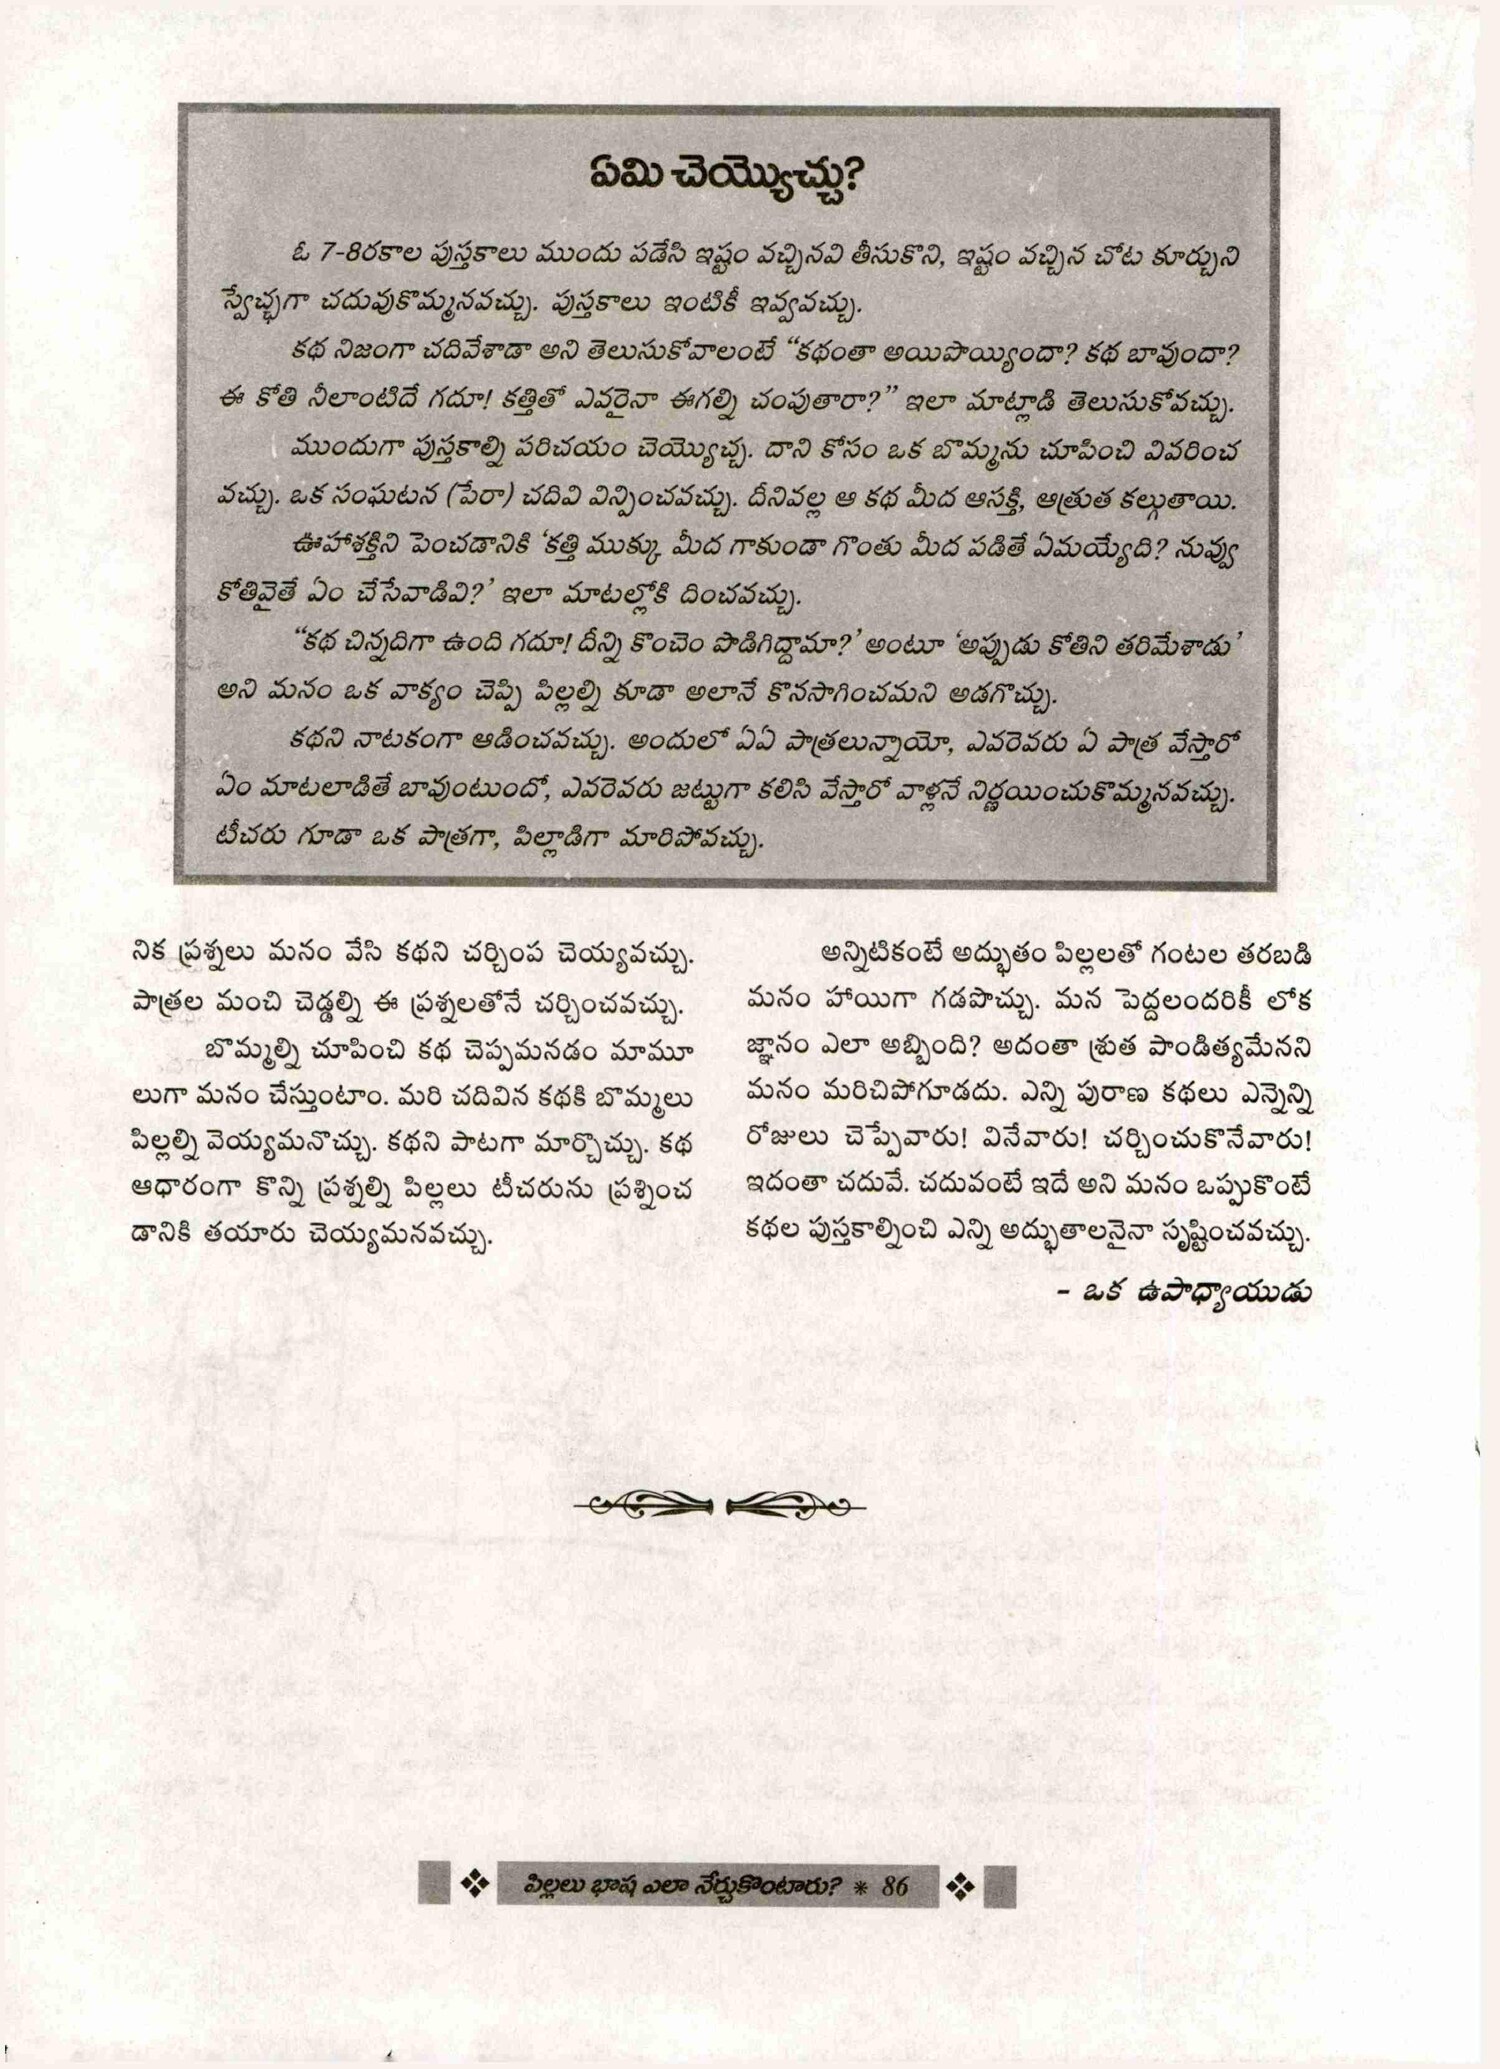ఏమి చెయ్యొచ్చు?

ఓ 7-8రకాల పుస్తకాలు ముందు పడేసి ఇష్టం వచ్చినవి తీసుకొని, ఇష్టం వచ్చిన చోట కూర్చుని స్వేచ్ఛగా చదువుకొమ్మనవచ్చు. పుస్తకాలు ఇంటికీ ఇవ్వవచ్చు.

కథ నిజంగా చదివేశాడా అని తెలుసుకోవాలంటే “కథంతా అయిపొయ్యిందా? కథ బావుందా? ఈ కోతి నీలాంటిదే గదూ! కత్తితో ఎవరైనా ఈగల్ని చంపుతారా?" ఇలా మాట్లాడి తెలుసుకోవచ్చు.

ముందుగా పుస్తకాల్ని పరిచయం చెయ్యొచ్చ. దాని కోసం ఒక బొమ్మను చూపించి వివరించ వచ్చు. ఒక సంఘటన (పేరా) చదివి విన్పించవచ్చు. దీనివల్ల ఆ కథ మీద ఆసక్తి, ఆత్రుత కల్గుతాయి.

ఊహాశక్తిని పెంచడానికి 'కత్తి ముక్కు మీద గాకుండా గొంతు మీద పడితే ఏమయ్యేది? నువ్వు కోతివైతే ఏం చేసేవాడివి?' ఇలా మాటల్లోకి దించవచ్చు.

“కథ చిన్నదిగా ఉంది గదూ! దీన్ని కొంచెం పొడిగిద్దామా?' అంటూ 'అప్పుడు కోతిని తరిమేశాడు. అని మనం ఒక వాక్యం చెప్పి పిల్లల్ని కూడా అలానే కొనసాగించమని అడగొచ్చు.

కథని నాటకంగా ఆడించవచ్చు. అందులో ఏఏ పాత్రలున్నాయో, ఎవరెవరు ఏ పాత్ర వేస్తారో ఏం మాటలాడితే బావుంటుందో, ఎవరెవరు జట్టుగా కలిసి వేస్తారో వాళ్లనే నిర్ణయించుకొమ్మనవచ్చు. టీచరు గూడా ఒక పాత్రగా, పిల్లాడిగా మారిపోవచ్చు.

నిక ప్రశ్నలు మనం వేసి కథని చర్చింప చెయ్యవచ్చు. పాత్రల మంచి చెడ్డల్ని ఈ ప్రశ్నలతోనే చర్చించవచ్చు.

బొమ్మల్ని చూపించి కథ చెప్పమనడం మామూలుగా మనం చేస్తుంటాం. మరి చదివిన కథకి బొమ్మలు పిల్లల్ని వెయ్యమనొచ్చు. కథని పాటగా మార్చొచ్చు. కథ ఆధారంగా కొన్ని ప్రశ్నల్ని పిల్లలు టీచరును ప్రశ్నించడానికి తయారు చెయ్యమనవచ్చు.

అన్నిటికంటే అద్భుతం పిల్లలతో గంటల తరబడి మనం హాయిగా గడపొచ్చు. మన పెద్దలందరికీ లోకజ్ఞానం ఎలా అబ్బింది? అదంతా శ్రుత పాండిత్యమేనని మనం మరిచిపోగూడదు. ఎన్ని పురాణ కథలు ఎన్నెన్ని రోజులు చెప్పేవారు! వినేవారు! చర్చించుకొనేవారు! ఇదంతా చదువే. చదువంటే ఇదే అని మనం ఒప్పుకొంటే కథల పుస్తకాల్నించి ఎన్ని అద్భుతాలనైనా సృష్టించవచ్చు.